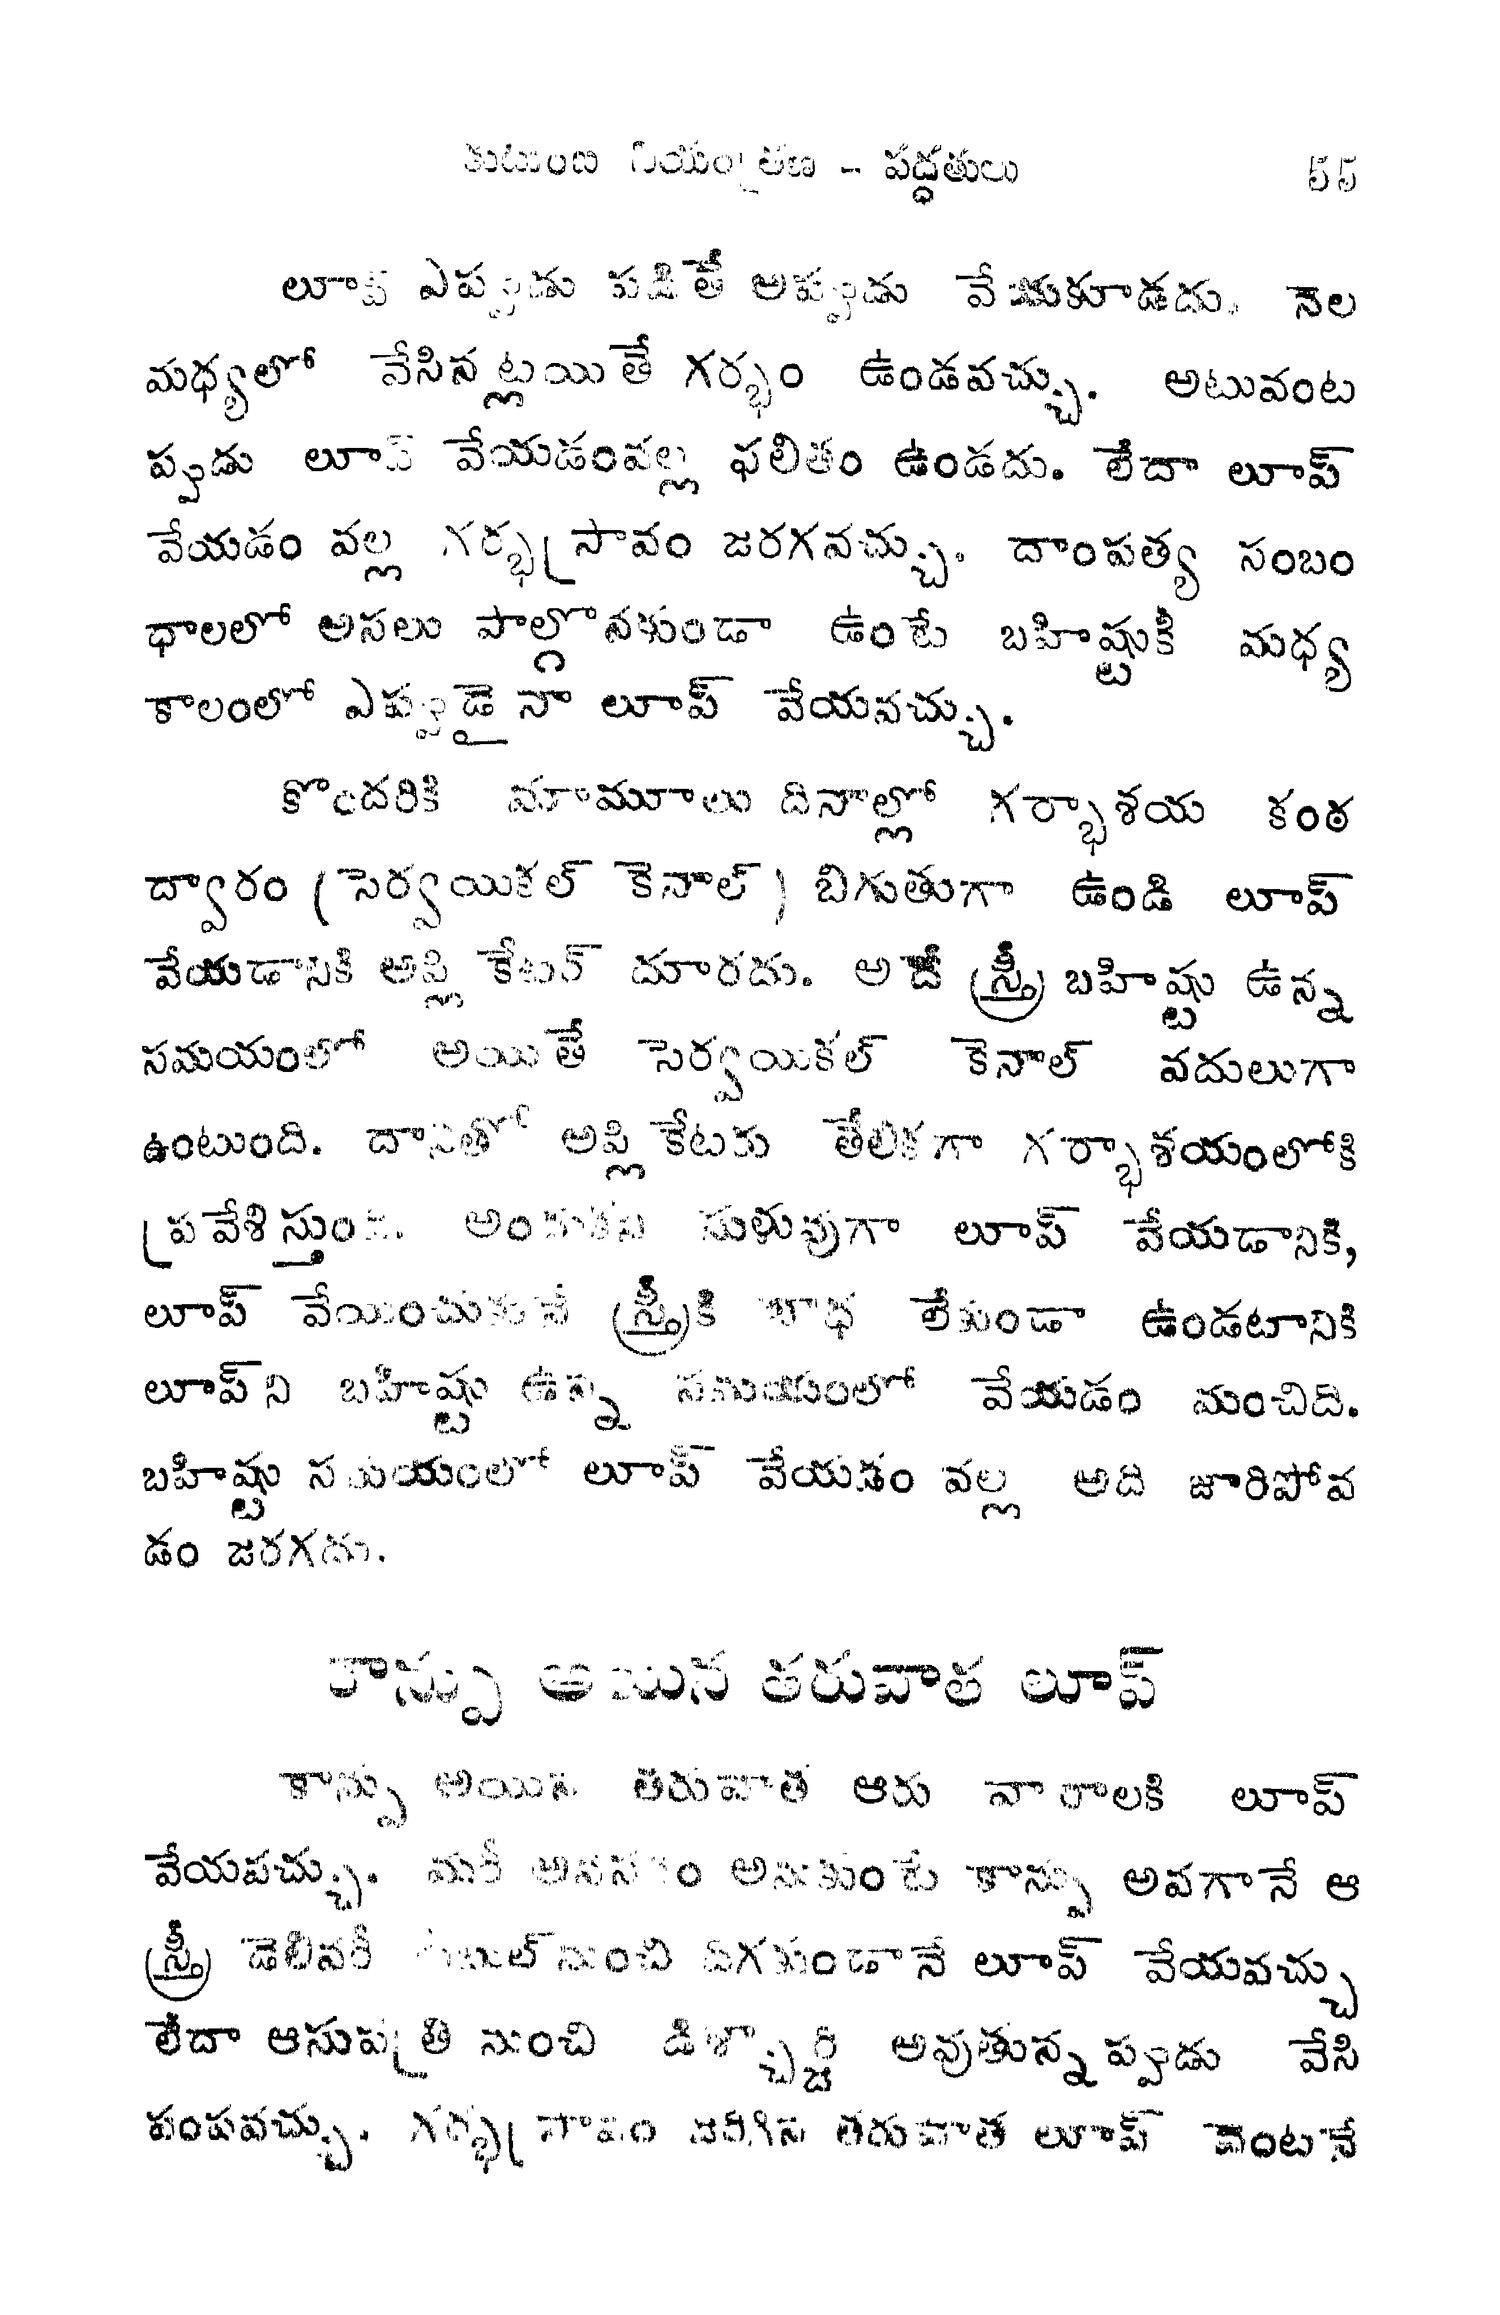లూప్ ఎప్పుడు పడితే అప్పుడు వేయకూడదు. నేల మధ్యలో వేసినట్లయితే గర్భం ఉండవచ్చు. అటువంటప్పుడు లూప్ వేయడంవల్ల ఫలితం ఉండదు. లేదా లూప్ వేయడం వల్ల గర్భస్రావం జరగవచ్చు. దాంపత్య సంబందాలలో అసలు పాల్గొనకుండా ఉంటే బహిష్టుకీ మధ్య కాలంలో ఎప్పుడైనా లూప్ వేయవచ్చు.

కొందరికి మామూలు దినాల్లో గర్భాశయ కంఠద్వారం (సెర్వయికల్ కెనాల్) బిగుతుగా ఉండి లూప్ వేయడానికి అప్లి కేటర్ దూరదు. అదే స్త్రీ బహిష్టు ఉన్న సమయంలో అయితే సెర్వయికల్ కెనాల్ వదులుగా ఉంటుంది. దానితో అప్లికేటరు తేలికగా గర్భాశయంలోకి ప్రవేశిస్తుంది. అందువలన సుళువుగా లూప్ వేయడానికి, లూప్ వేయించుకునే స్త్రీకి బాధ లేకుండా ఉండటానికి లూప్‌ని బహిష్టు ఉన్న సమయంలో వేయడం మంచిది. బహిష్టు సమయంలో లూప్ వేయడం వల్ల అది జారిపోవడం జరగదు.

కాన్పు అయిన తరువాత ఆరు వారాలకి లూప్ వేయవచ్చు. మరీ అవసరం అనుకుంటే కాన్పు అవగానే ఆ స్త్రీ డెలివరీ టేబుల్ నుంచి దిగకుండానే లూప్ వేయవచ్చు లేదా ఆసుపత్రి నుంచి డిశ్చార్జి అవుతున్నప్పుడు వేసి పంపవచ్చు. గర్భస్రావం జరిగిన తరువాత లూప్ వెంటనే